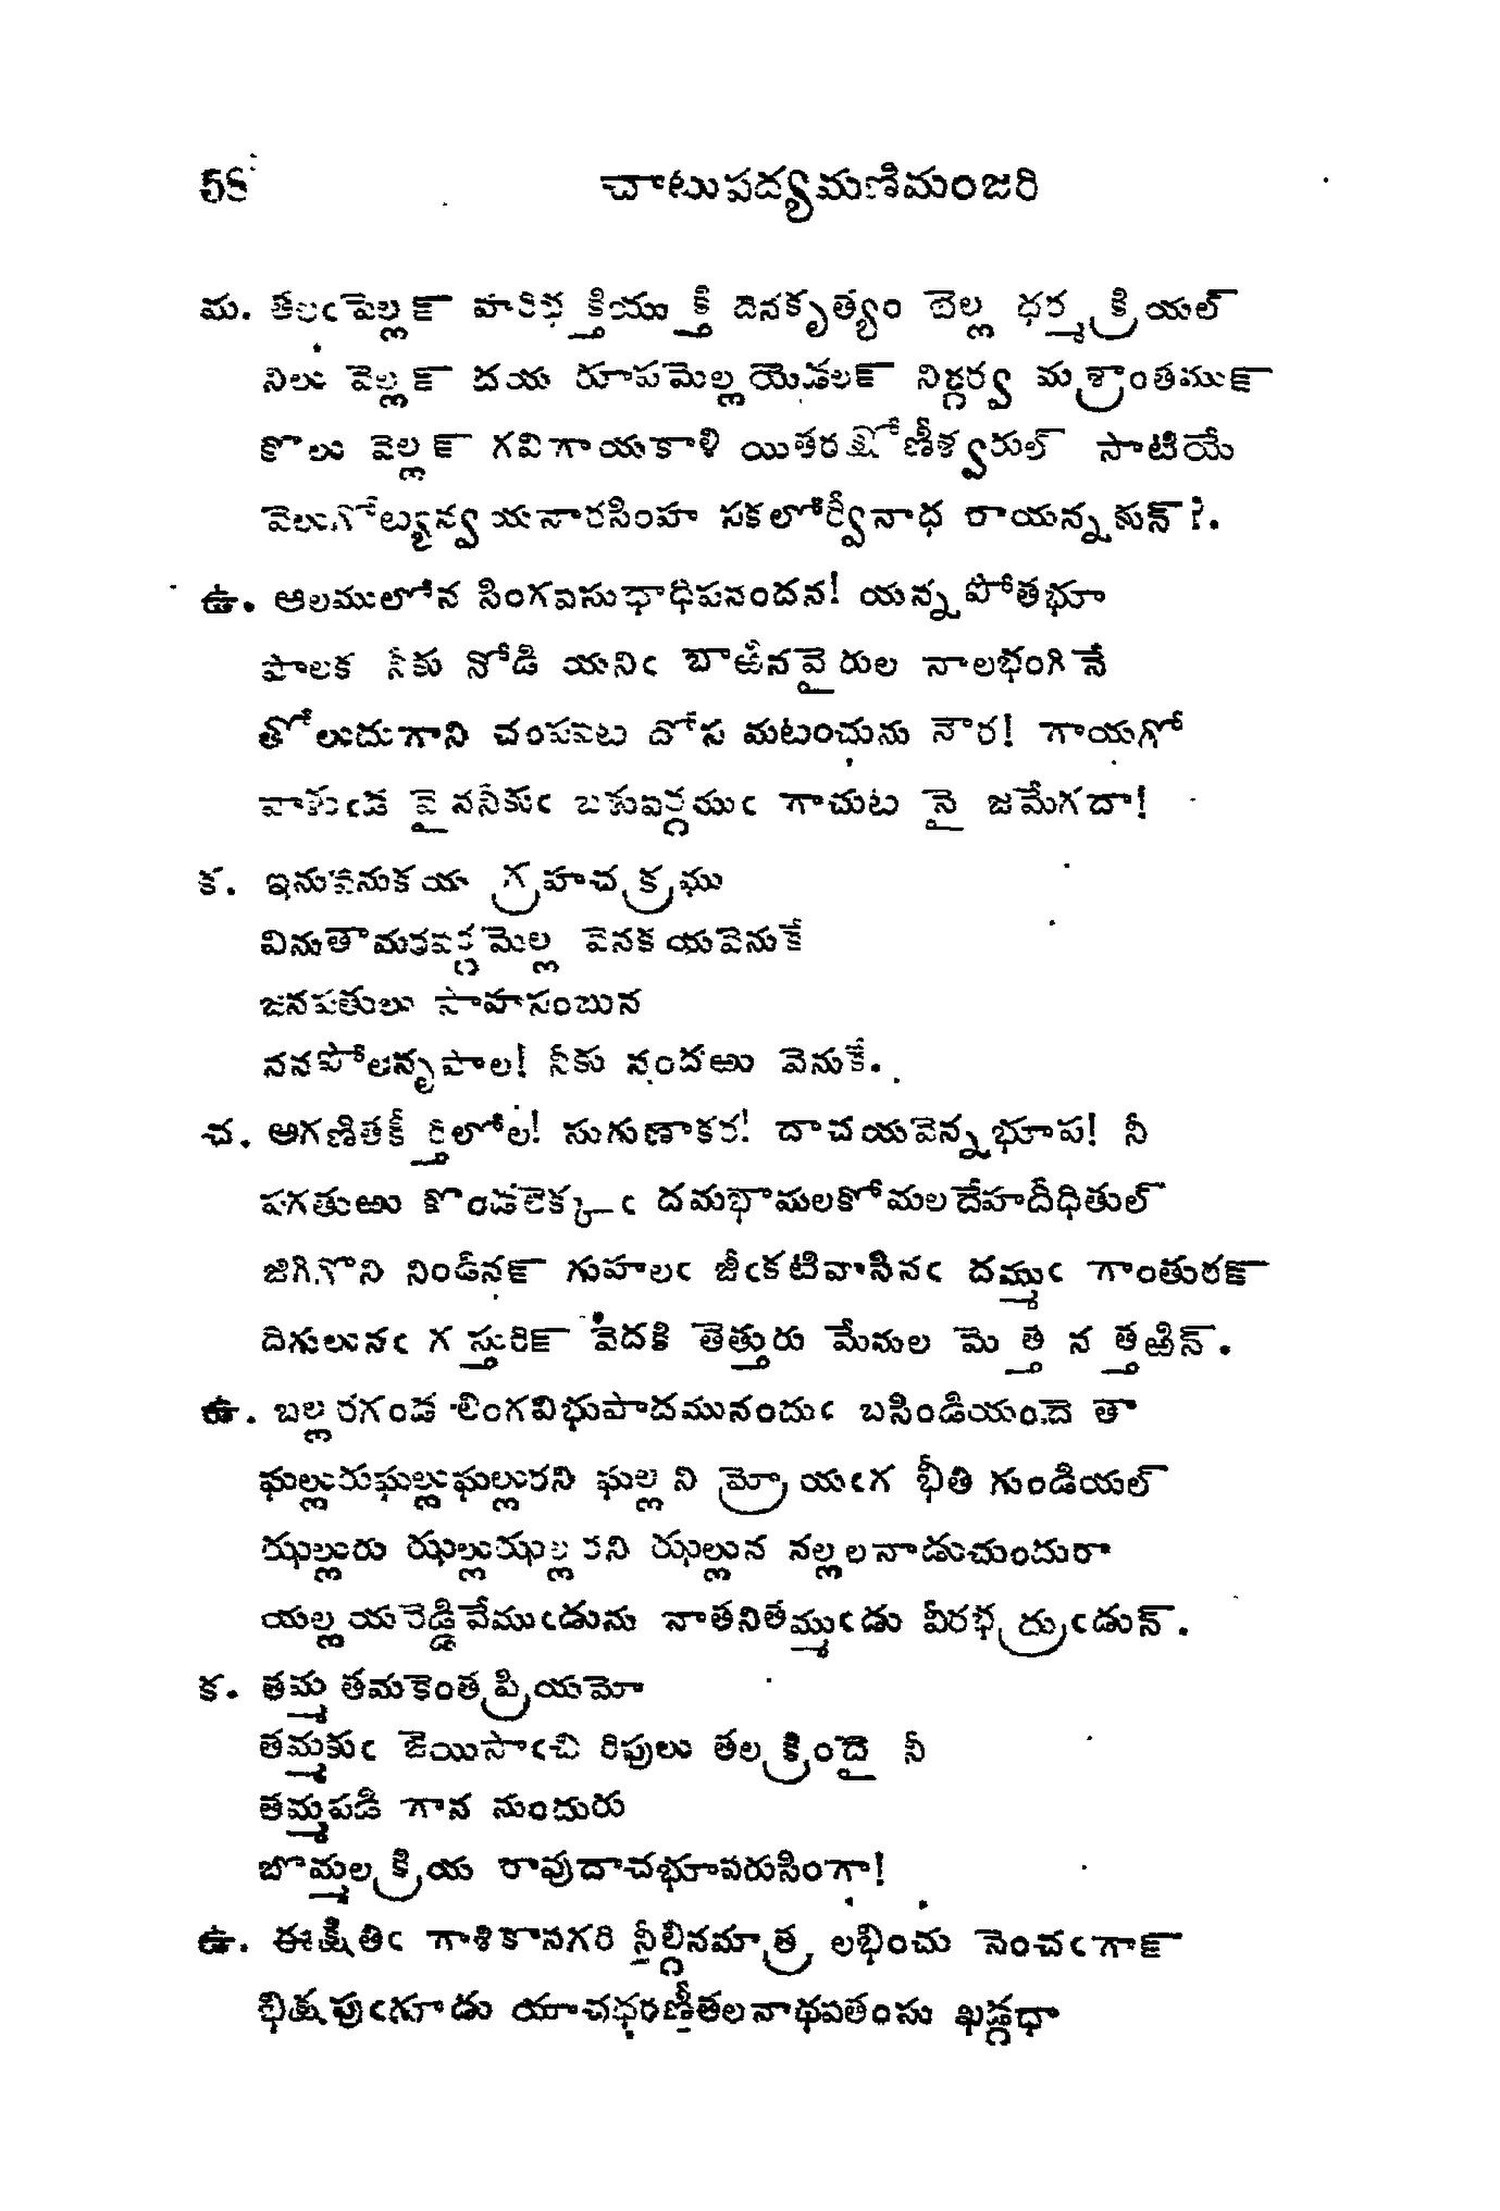మ. తలఁపెల్లన్ హరిభక్తియుక్తి దినకృత్యం బెల్ల ధర్మక్రియల్
 నిలు వెల్లన్ దయ రూపమెల్లయెడలన్ నిర్గర్వ మశ్రాంతమున్
 గొలు వెల్లన్ గవిగాయకాళి యితరక్షోణీశ్వరుల్ సాటియే
 వెలుగోట్యన్వయనారసింహ సకలోర్వీనాథ రాయన్నకున్?
ఉ. ఆలములోన సింగవసుధాధిపనందన! యన్నపోతభూ
 పాలక! నీకు నోడి యనిఁ బాఱినవైరుల నాలభంగి నే
 తోలుదుగాని చంపవఁట దోస మటంచును నౌర! గాయగో
 వాళుఁడ వైననీకుఁ బశువర్గముఁ గాచుట నైజమేగదా!
క. ఇనువెనుకయ గ్రహచక్రము
 వినుతామరవర్గమెల్ల వెనకయవెనుకే
 జనపతులు సాహసంబున
 ననపోలనృపాల! నీకు నందఱు వెనుకే.
చ. అగణితకీర్తిలోల! సుగుణాకర! దాచయవెన్నభూప! నీ
 పగతుఱు కొండలెక్కఁ దమభామలకోమలదేహదీధితుల్
 జిగిగొని నిండినన్ గుహలఁ జీఁకటివాసినఁ దమ్ముఁ గాంతురన్
 దిగులునఁ గస్తురిన్ వెదకి తెత్తురు మేనుల మెత్త నత్తఱిన్.
ఉ. బల్లరగండ లింగవిభుపాదమునందుఁ బసిండియందె తా
 ఘల్లురుఘల్లుఘల్లురని ఘల్లని మ్రోయఁగ భీతి గుండియల్
 ఝల్లురు ఝల్లుఝల్లురని ఝల్లున నల్లలనాడుచుందురా
 యల్లమరెడ్డివేముఁడును నాతనితమ్ముఁడు వీరభద్రుఁడున్.
క. తమ్మతమకెంతప్రియమో
 తమ్మకుఁ జెయిసాఁచి రిపులు తలక్రిందై నీ
 తమ్మపడి గాన నుందురు
 బొమ్మలక్రియ రావుదాచభూవరుసింగా!
ఉ. ఈక్షితిఁ గాశికానగరి నీల్గినమాత్ర లభించు నెంచఁగాన్
 భిక్షపుఁగూడు యాచధరణీతలనాథవతంసు ఖడ్గధా